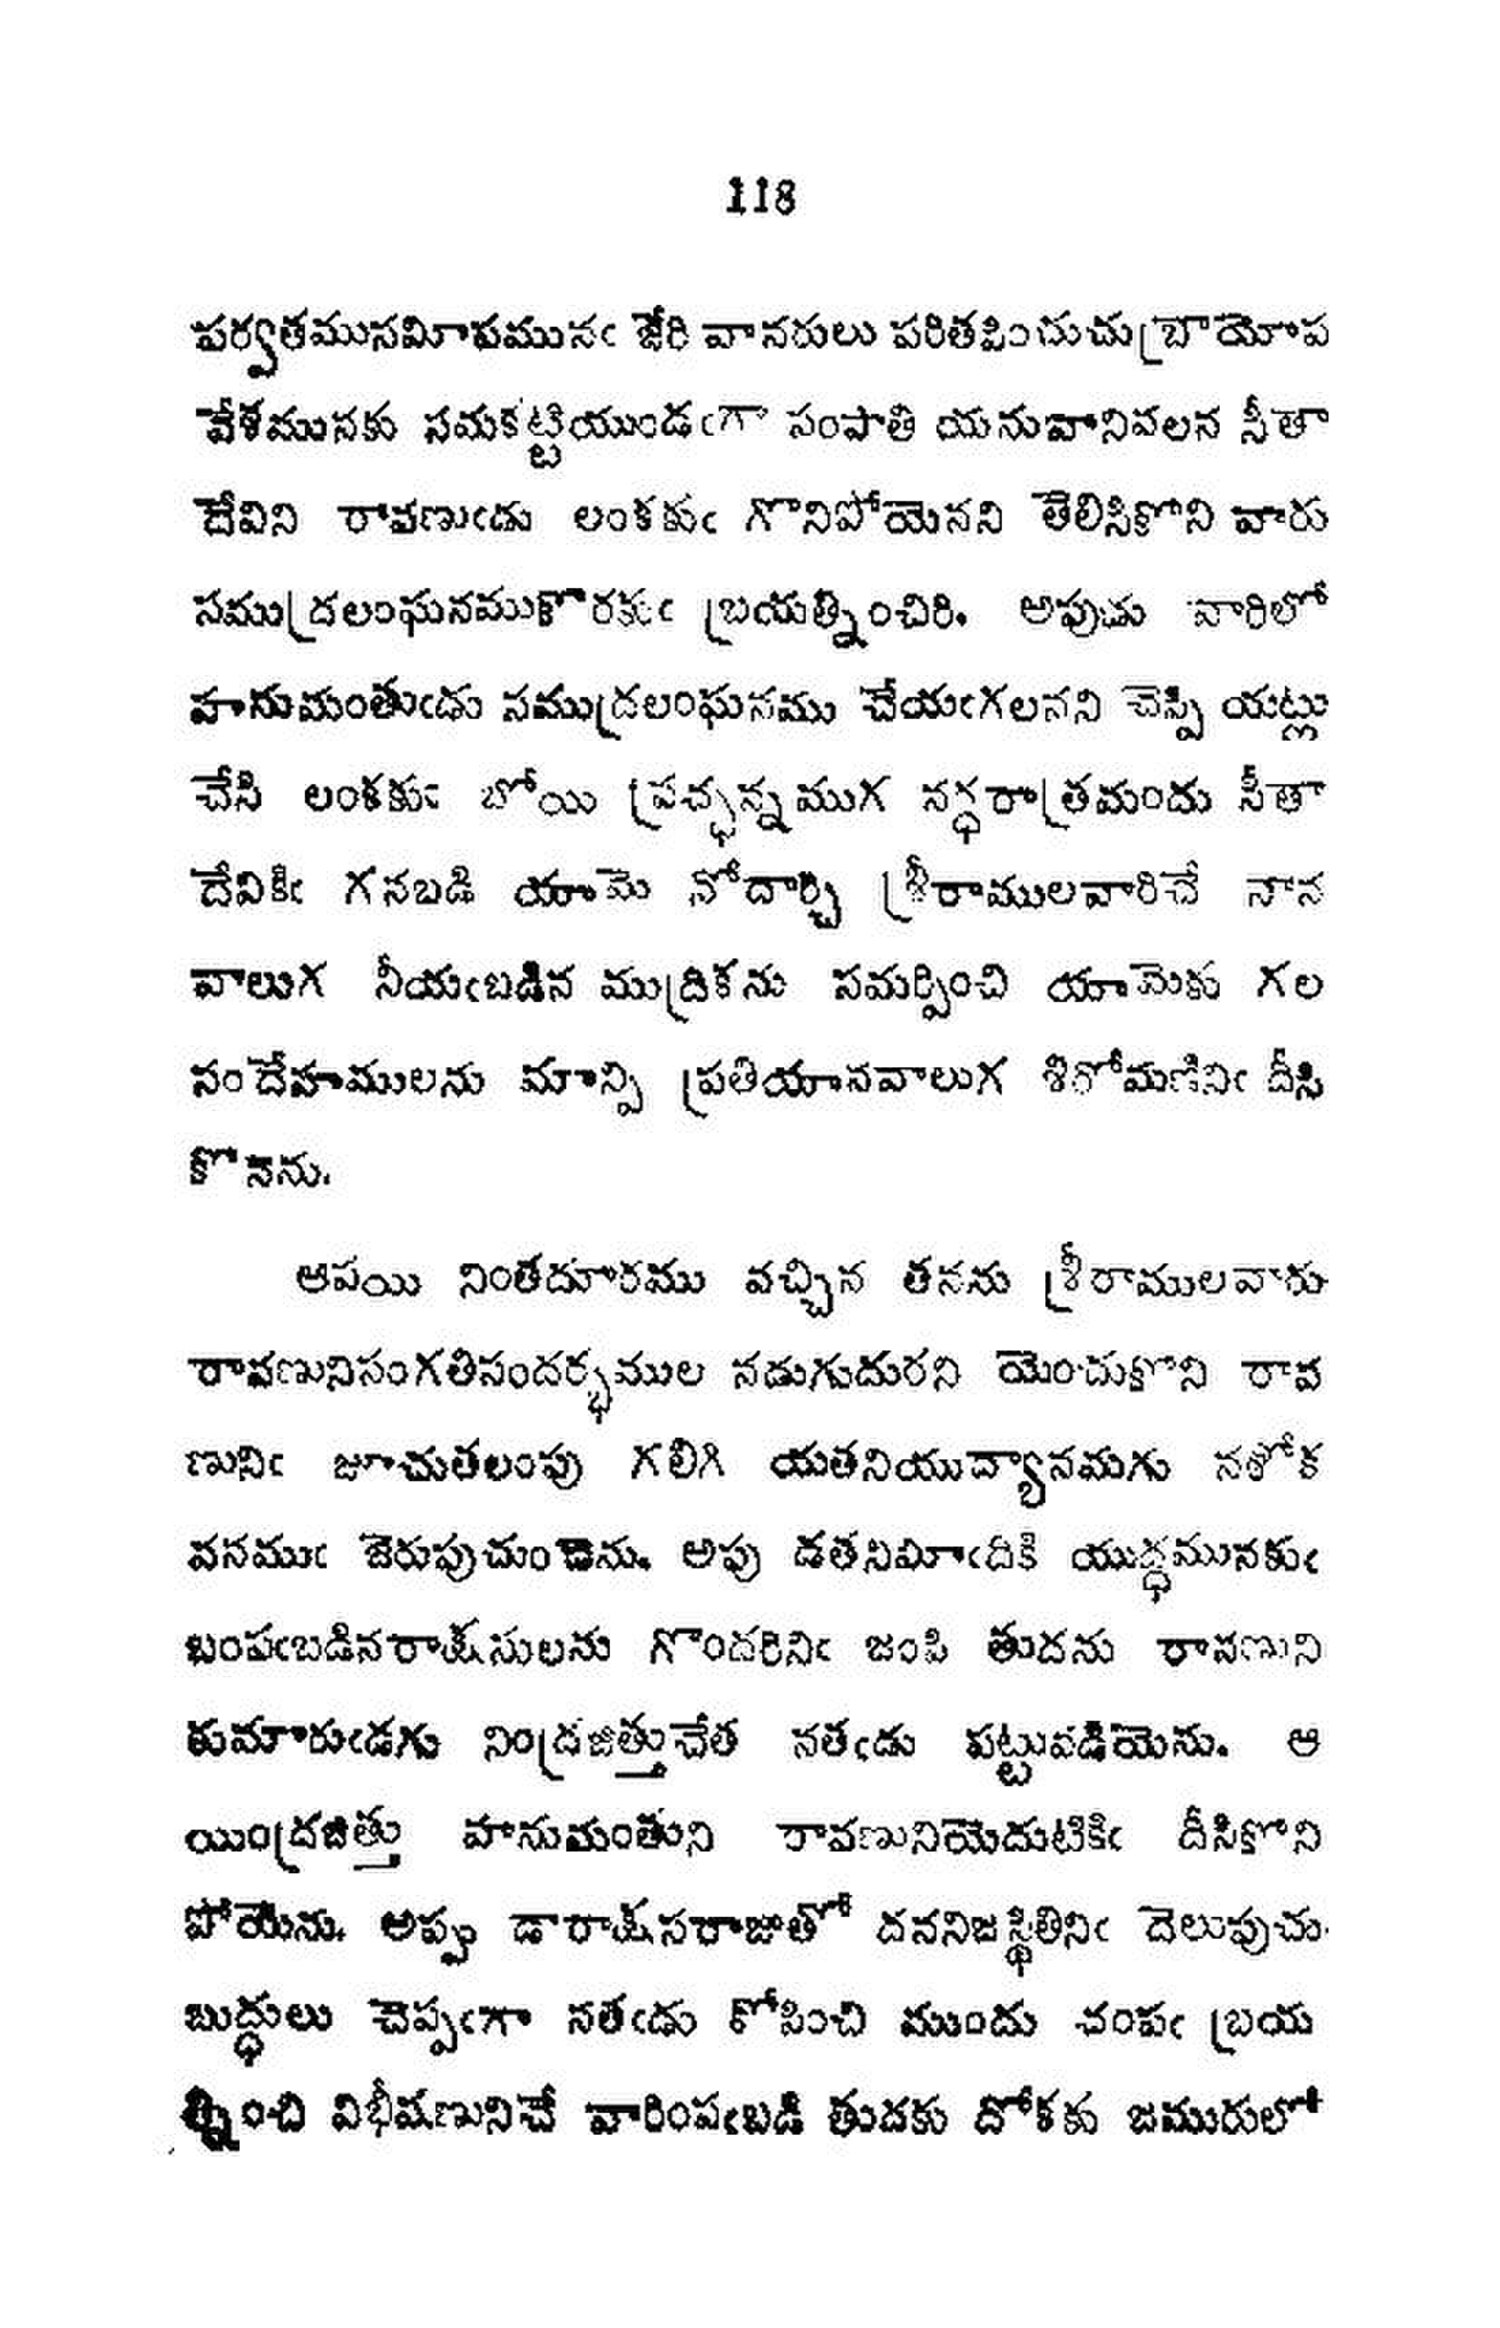పర్వతముసమీపమునఁ జేరి వానరులు పరితపించుచు బ్రాయోప వేశమునకు సమకట్టియుండఁగా సంపాతి యనువానివలన సీతాదేవిని రావణుడు లంకకుఁ గొనిపోయెనని తెలిసికొని వారు
సముద్రలంఘనముకొరకుఁ బ్రయత్నించిరి. అప్పుడు వారిలో హనుమంతుఁడు సముద్రలంఘనము చేయఁగలనని చెప్పి యట్లు చేసి లంకకుఁ బోయి ప్రచ్ఛన్నముగ నర్ధరాత్రమందు సీతాదేవికిఁ గనబడి యామె నోదార్చి శ్రీరాములవారిచే నానవాలుగ నీయఁబడిన ముద్రికను సమర్పించి యామెకు గల
సందేహములను మాన్పి ప్రతియానవాలుగ శీరోమణినిఁ దీసి కొనెను.

ఆపయి నింతదూరము వచ్చిన తనను శ్రీరాములవారు రావణునిసంగతిసందర్భముల నడుగుదురని యెంచుకొని రావణునిఁ జూచుతలంపు గలిగి యతనియుద్యానమగు నశోకవనముఁ జెరుపుచుండెను. అపు డతనిమీఁదికి యుద్ధమునకుఁ బంపఁబడిన రాక్షసులను గొందరినిఁ జంపి తుదను రావణుని
కుమారుఁడగు నింద్రజిత్తుచేత నతఁడు పుట్టుపడియెను. ఆ యింద్రజిత్తు హనుమంతుని
రావణునియెదుటికిఁ దీసికొనిపోయెను. అప్పు డారాక్షసరాజుతో దననిజస్థితినిఁ దెలుపుచు బుద్ధులు చెప్పఁగా నతఁడు కోపించి ముందు చంపఁ బ్రయత్నించి విభీషణునిచే వారింపఁబడి తుదకు దోకకు జమురులో